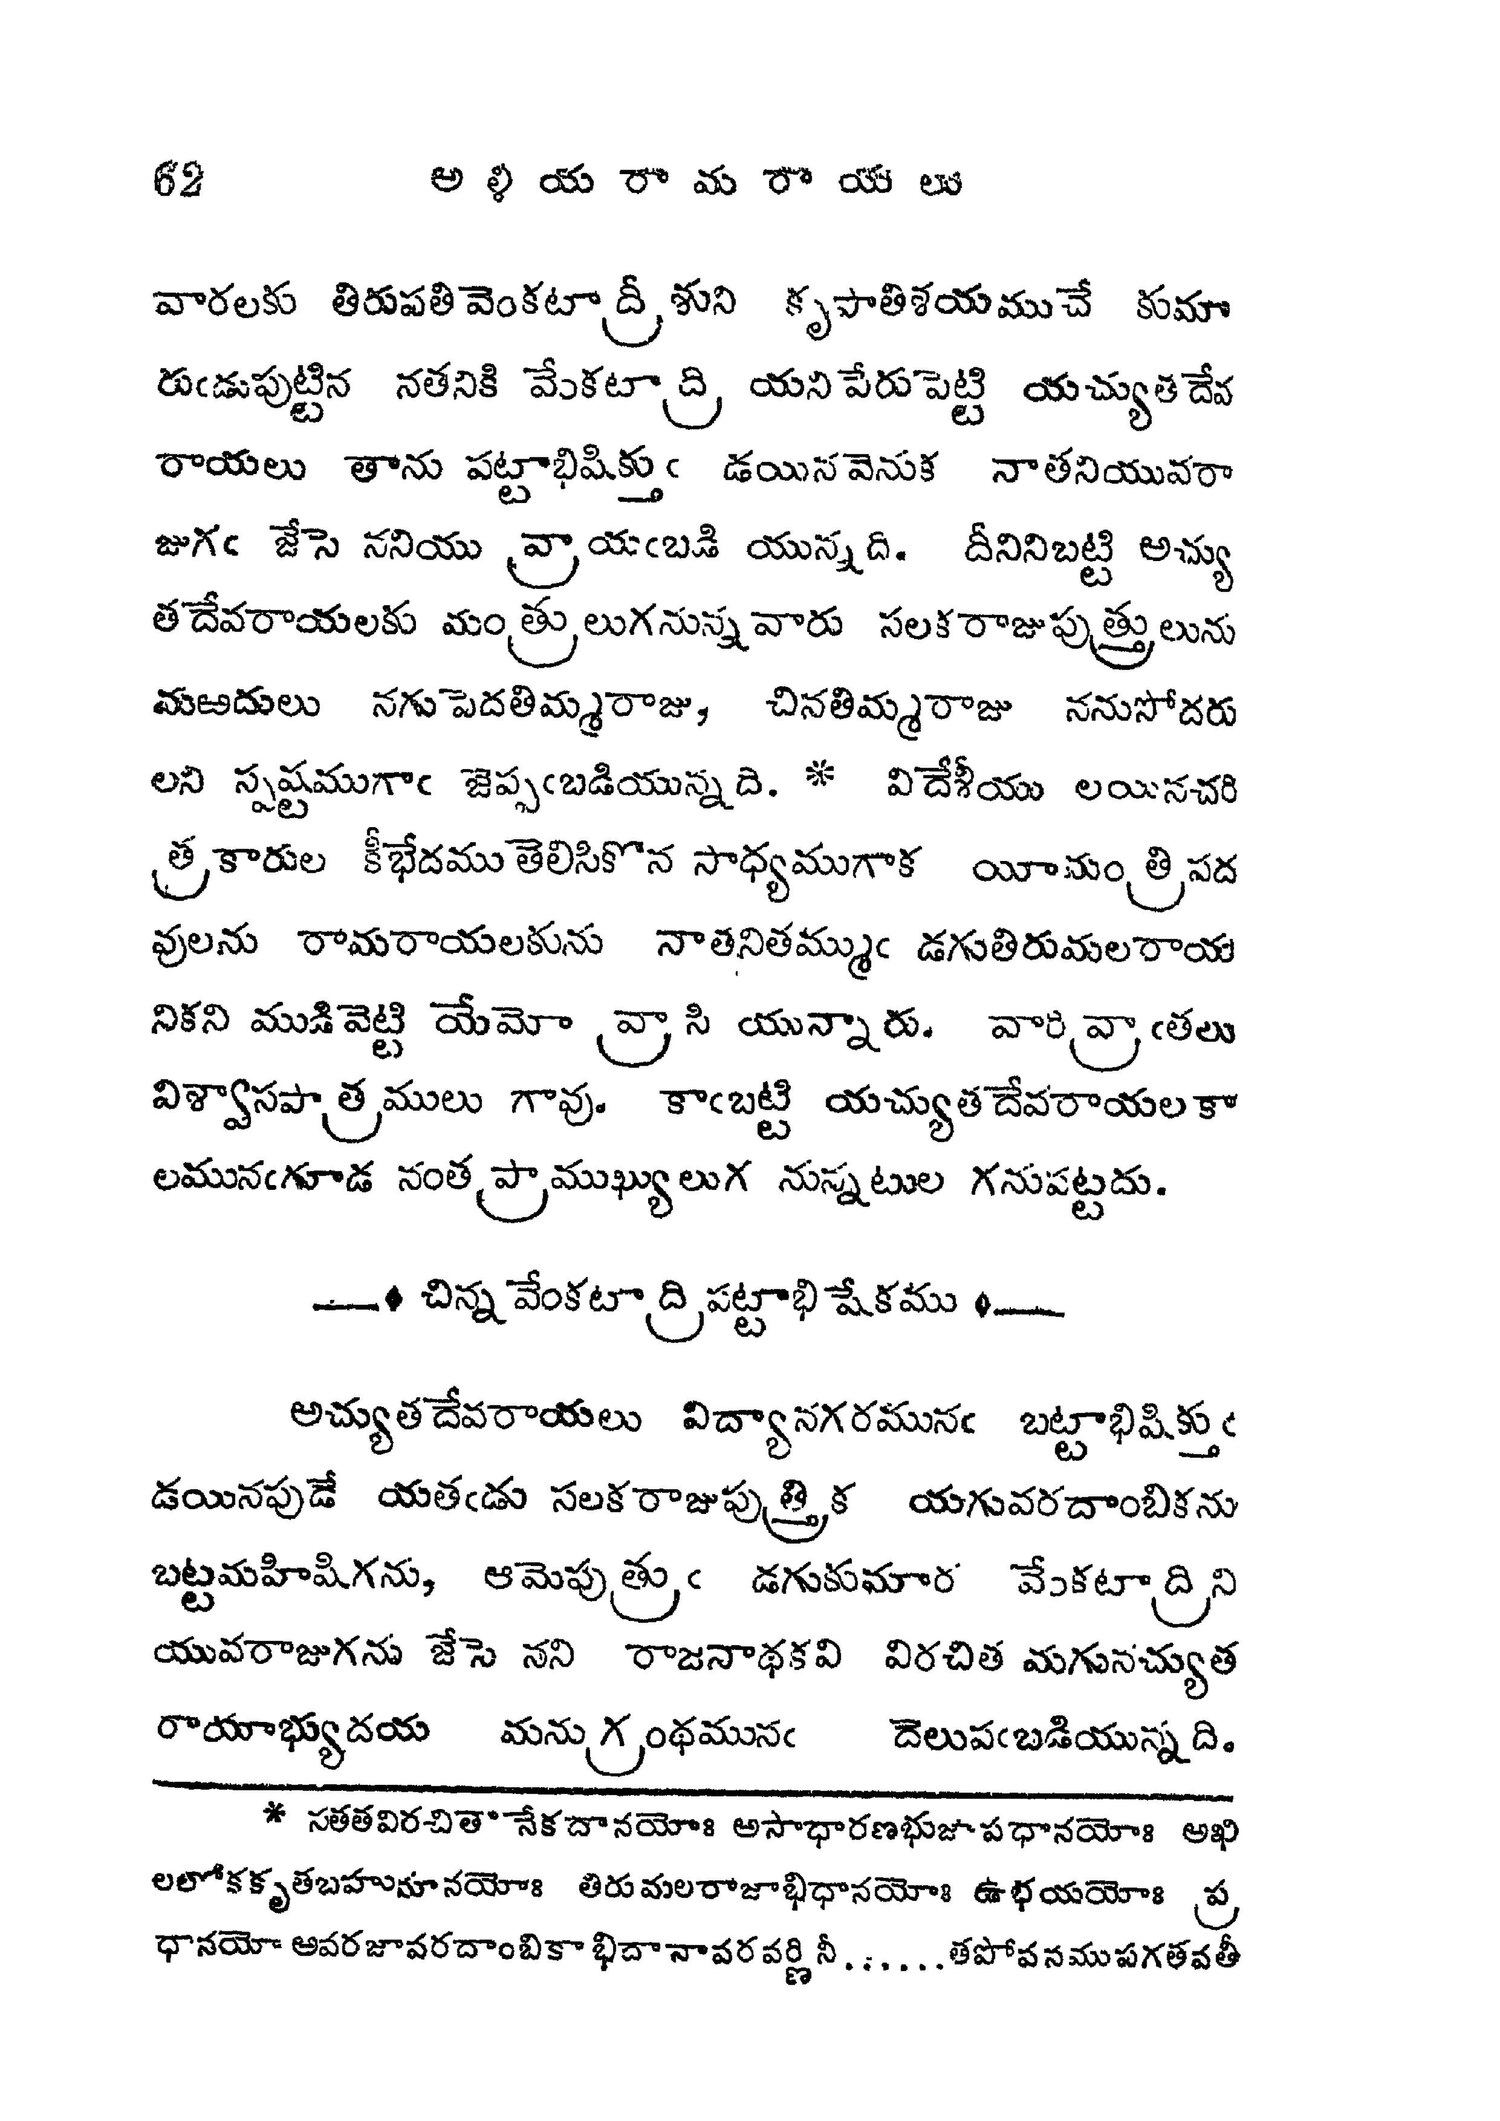వారలకు తిరుపతివెంకటాద్రీశుని కృపాతిశయముచే కుమారుడుపుట్టిన నతనికి వేంకటాద్రి యనిపేరుపెట్టి యచ్యుతదేవరాయలు తాను పట్టాభిషిక్తు డయినవెనుక నాతనియువరాజుగ జేసె ననియు వ్రాయబడి యున్నది. దీనినిబట్టి అచ్యుతదేవరాయలకు మంత్రులుగనున్నవారు సలకరాజుపుత్త్రులును మఱదులు నగుపెదతిమ్మరాజు, చినతిమ్మరాజు ననుసోదరులని స్పష్టముగా జెప్పబడియున్నది. విదేశీయు లయినచరిత్రకారుల కీభేదము తెలిసికొన సాధ్యముగాక యీమంత్రిపదవులను రామరాయలకును నాతనితమ్ము డగుతిరుమలరాయనికిని ముడివెట్టి యేమో వ్రాసి యున్నారు. వారివ్రాతలు విశ్వాసపాత్రములు గావు. కాబట్టి యచ్యుతదేవరాయలకాలమునగూడ నంతప్రాముఖ్యలుగ నున్నటుల గనుపట్టదు.

అచ్యుతదేవరాయలు విద్యానగరమున బట్టాభిషిక్తుడయినపుడే యతడు సలకరాజపుత్త్రిక యగువరదాంబికను బట్టమహిషిగను, ఆమెపుత్రు డగుకుమార వేంకటాద్రిని యువరాజుగను జేసె నని రాజనాథకవి విరచిత మగునచ్యుతరాయాభ్యుదయ మనుగ్రంథమున దెలుపబడియున్నది.